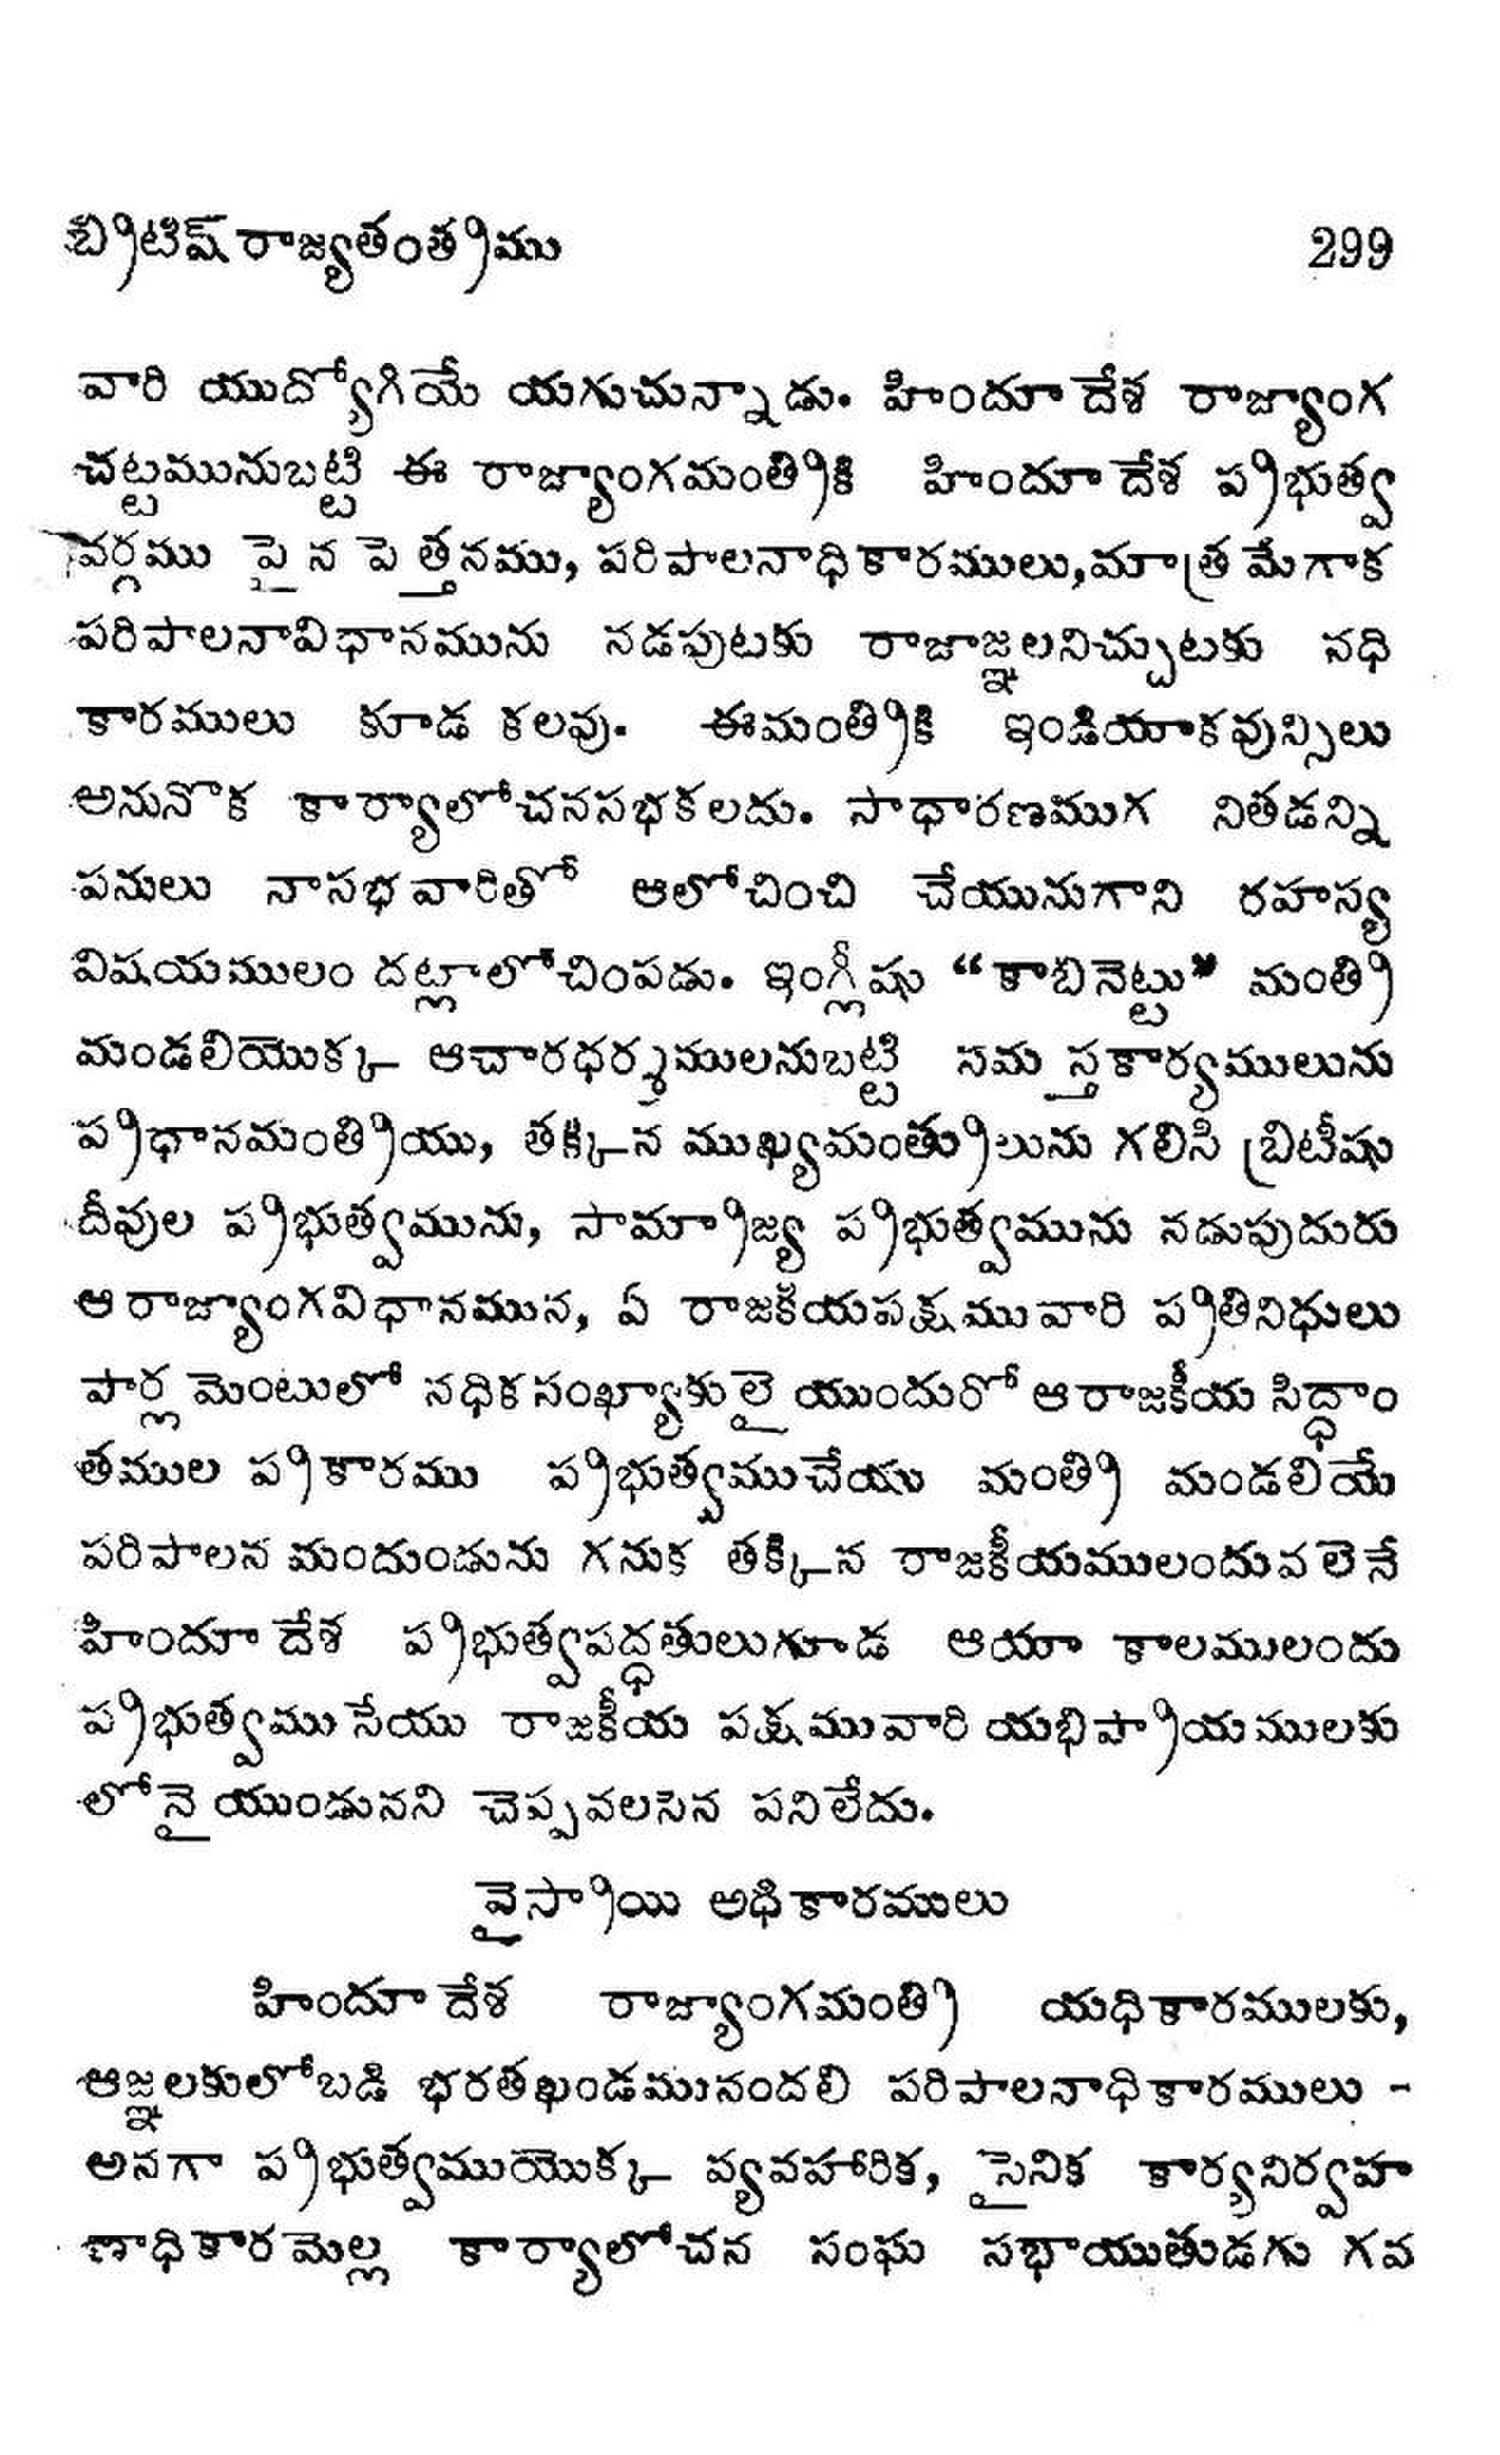వారి యుద్యోగియే యగుచున్నాడు. హిందూదేశ రాజ్యాంగ చట్టమునుబట్టి ఈ రాజ్యాంగమంత్రికి హిందూదేశ ప్రభుత్వవర్గము పైన పెత్తనము, పరిపాలనాధికారములు,మాత్రమేగాక పరిపాలనావిధానమును నడపుటకు రాజాజ్ఞలనిచ్చుటకు నధికారములు కూడ కలవు. ఈమంత్రికి ఇండియాకవున్సిలు అనునొక కార్యాలోచనసభకలదు. సాధారణముగ నితడన్ని పనులు నాసభవారితో ఆలోచించి చేయునుగాని రహస్య విషయములం దట్లాలోచింపడు. ఇంగ్లీషు “కాబినెట్టు” మంత్రిమండలియొక్క ఆచారధర్మములనుబట్టి సమస్తకార్యములును ప్రధానమంత్రియు, తక్కిన ముఖ్యమంత్రులును గలిసి బ్రిటీషు దీవుల ప్రభుత్వమును, సామ్రాజ్య ప్రభుత్వమును నడుపుదురు ఆ రాజ్యంగవిధానమున, ఏ రాజకీయపక్షమువారి ప్రతినిధులు పార్లమెంటులో నధికసంఖ్యాకులైయుందురో ఆరాజకీయ సిద్దాంతముల ప్రకారము ప్రభుత్వముచేయు మంత్రి మండలియే పరిపాలన మందుండును గనుక తక్కిన రాజకీయములందువలెనే హిందూదేశ ప్రభుత్వపద్దతులుగూడ ఆయా కాలములందు ప్రభుత్వము సేయు రాజకీయ పక్షమువారి యభిప్రాయములకు లోనై యుండునని చెప్పవలసిన పనిలేదు.

వైస్రాయి అధికారములు 

హిందూదేశ రాజ్యాంగమంతి) యధికారములకు, ఆజ్ఞలకులోబడి భరతఖండమునందలి పరిపాలనాధికారములు అనగా ప్రభుత్వముయొక్క వ్యవహారిక, సైనిక కార్యనిర్వహణాధికారమెల్ల కార్యాలోచన సంఘ సభాయుతుడగు గవ